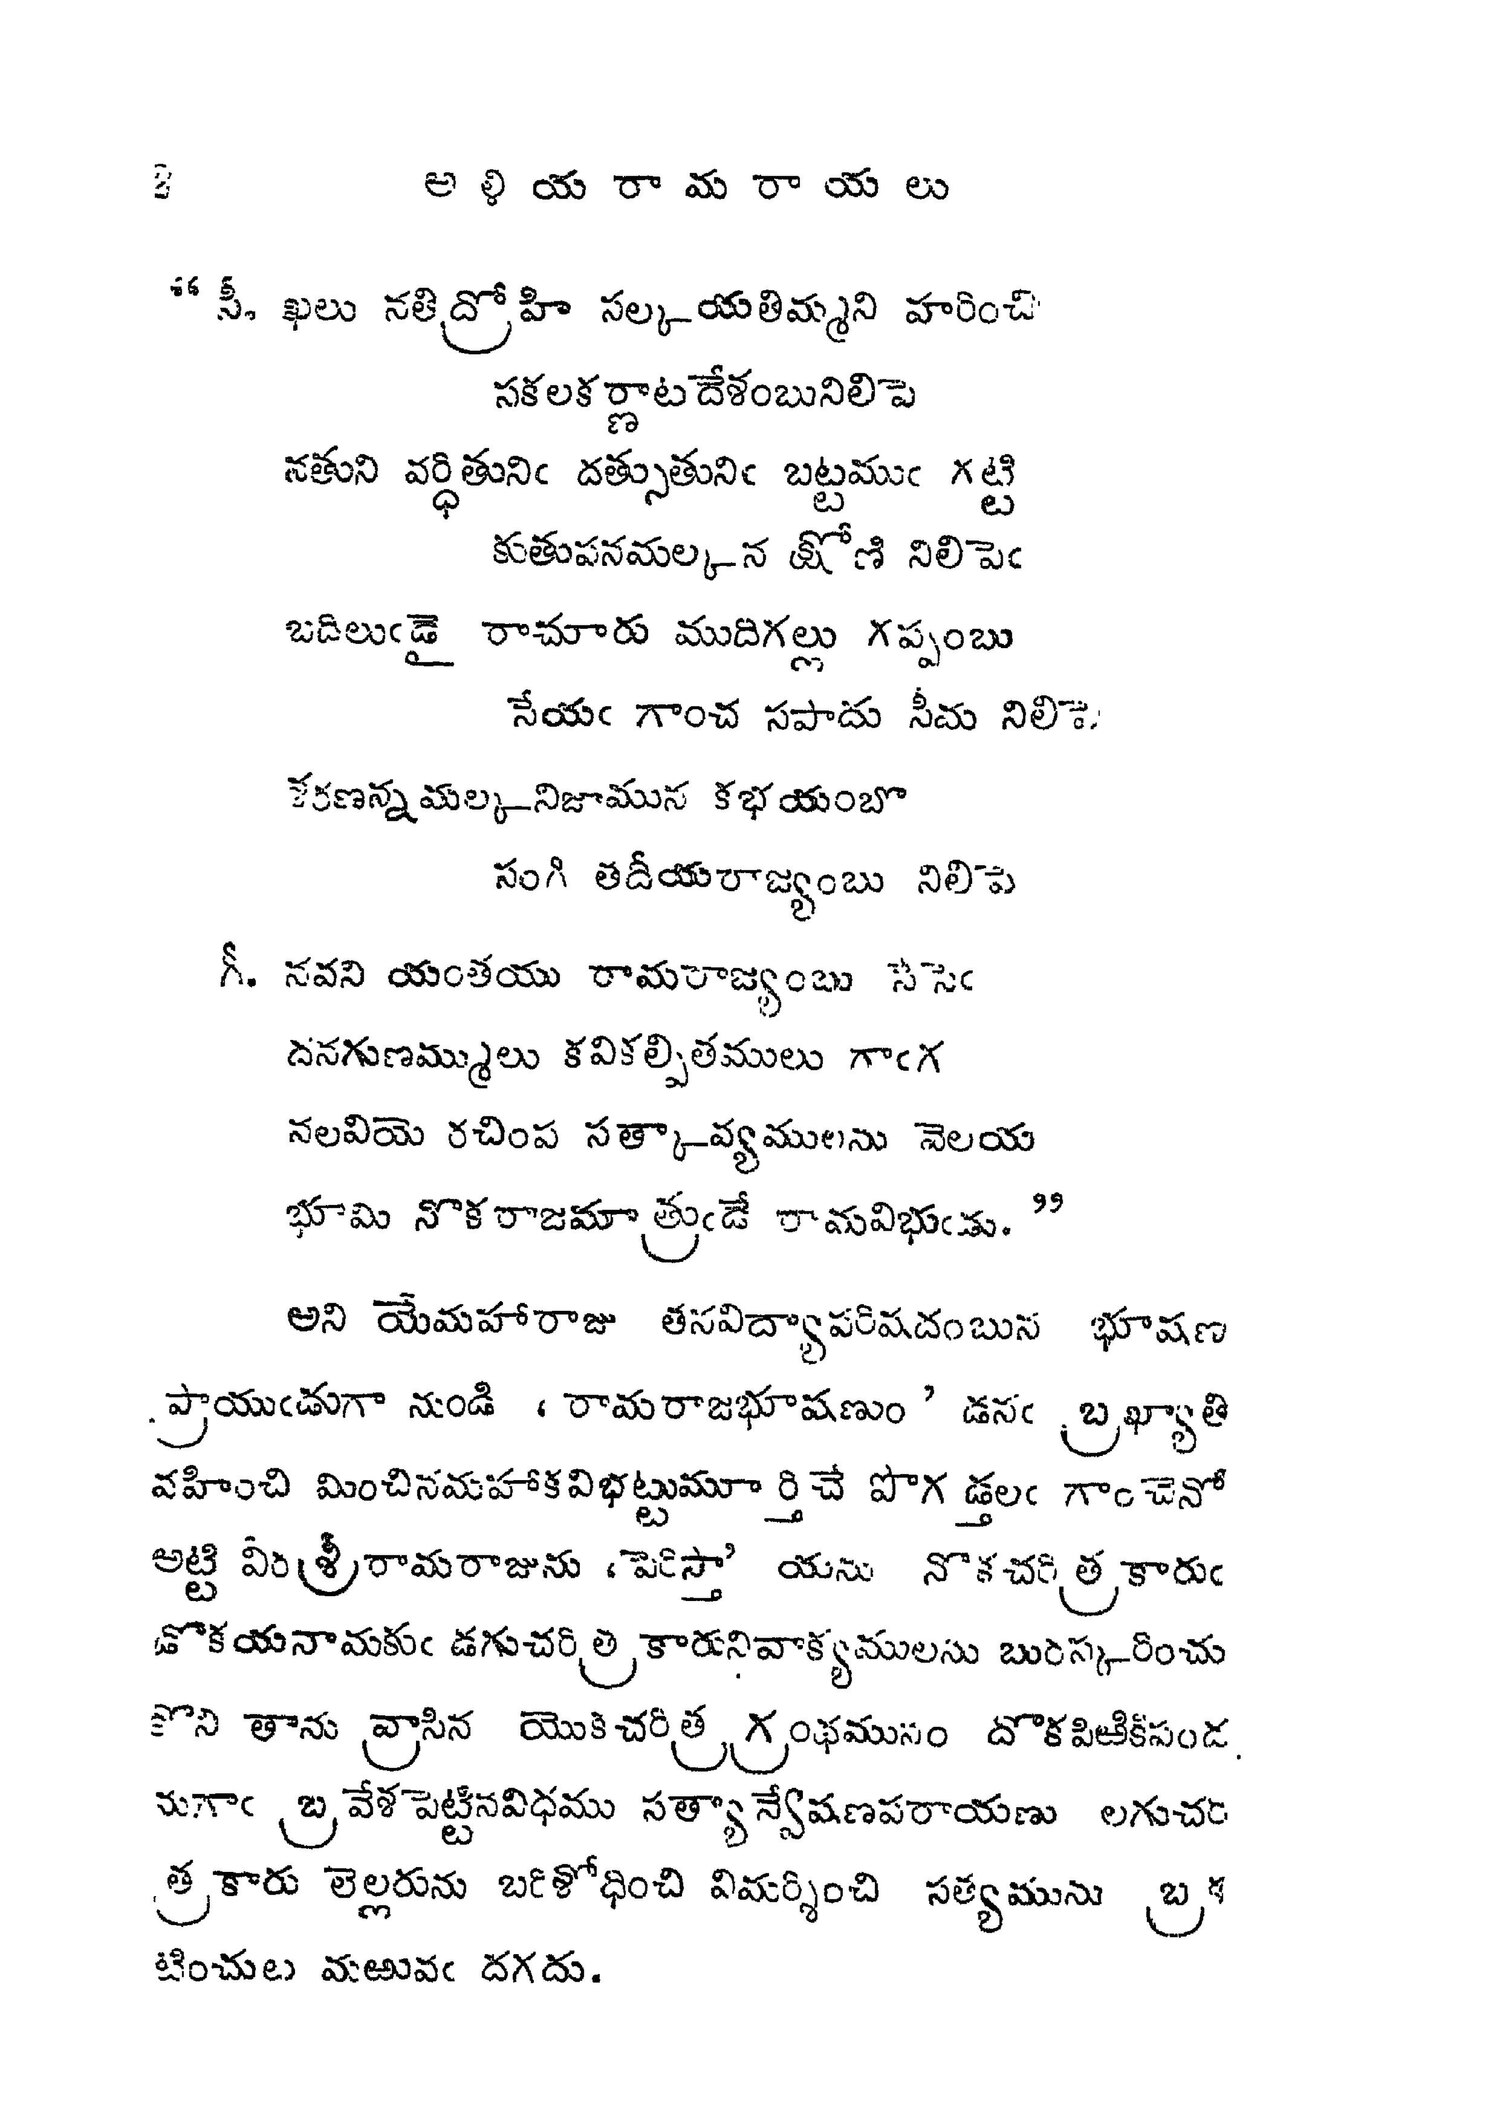"సీ. ఖలు నతిద్రోహి నల్కయతిమ్మని హరించి
 సకలకర్ణాటదేశంబునిలిపె
 నతుని వర్ధితుని దత్సుతునిఁ బట్టముఁ గట్టి
 కుతువనమల్కన క్షోణి నిలిపెఁ
 బదిలుఁడై రాచూరు ముదిగల్లు గప్పంబు
 సేయఁ గాంచ నపాదు సీమ నిలిపె
 శరణన్నమల్కనిజామున కభయంబొ
 సంగి తదీయరాజ్యంబు నిలిపె

గీ. నవని యంతయు రామరాజ్యంబు సేసెఁ
 దనగుణమ్ములు కవికల్పితములు గాఁగ
 నలవియె రచింప సత్కావ్యములను వెలయ
 భూమి నొక రాజమాత్రుఁడే రామవిభుఁడు."

అని యేమహారాజు తనవిద్యాపరిషదంబున భూషణప్రాయుఁడుగా నుండి 'రామరాజభూషణుం' డనఁ బ్రఖ్యాతి వహించి మించినమహాకవిభట్టుమూర్తిచే పొగడ్తలఁ గాంచెనో అట్టి వీరశ్రీరామరాజును 'పెరిస్తా' యను నొకచరిత్రకారుఁడొకయనామకుఁ డగుచరిత్రకారుని వాక్యములను బురస్కరించుకొని తానువ్రాసిన యొకచరిత్ర గ్రంథమునం దొకపిఱికిపందనుగాఁ బ్రవేశపెట్టినవిధము సత్యాన్వేషణపరాయణు లగుచరిత్రకారు లెల్లరును బరిశోధించి విమర్శించి సత్యమును బ్రకటించుట మఱువఁ దగదు.